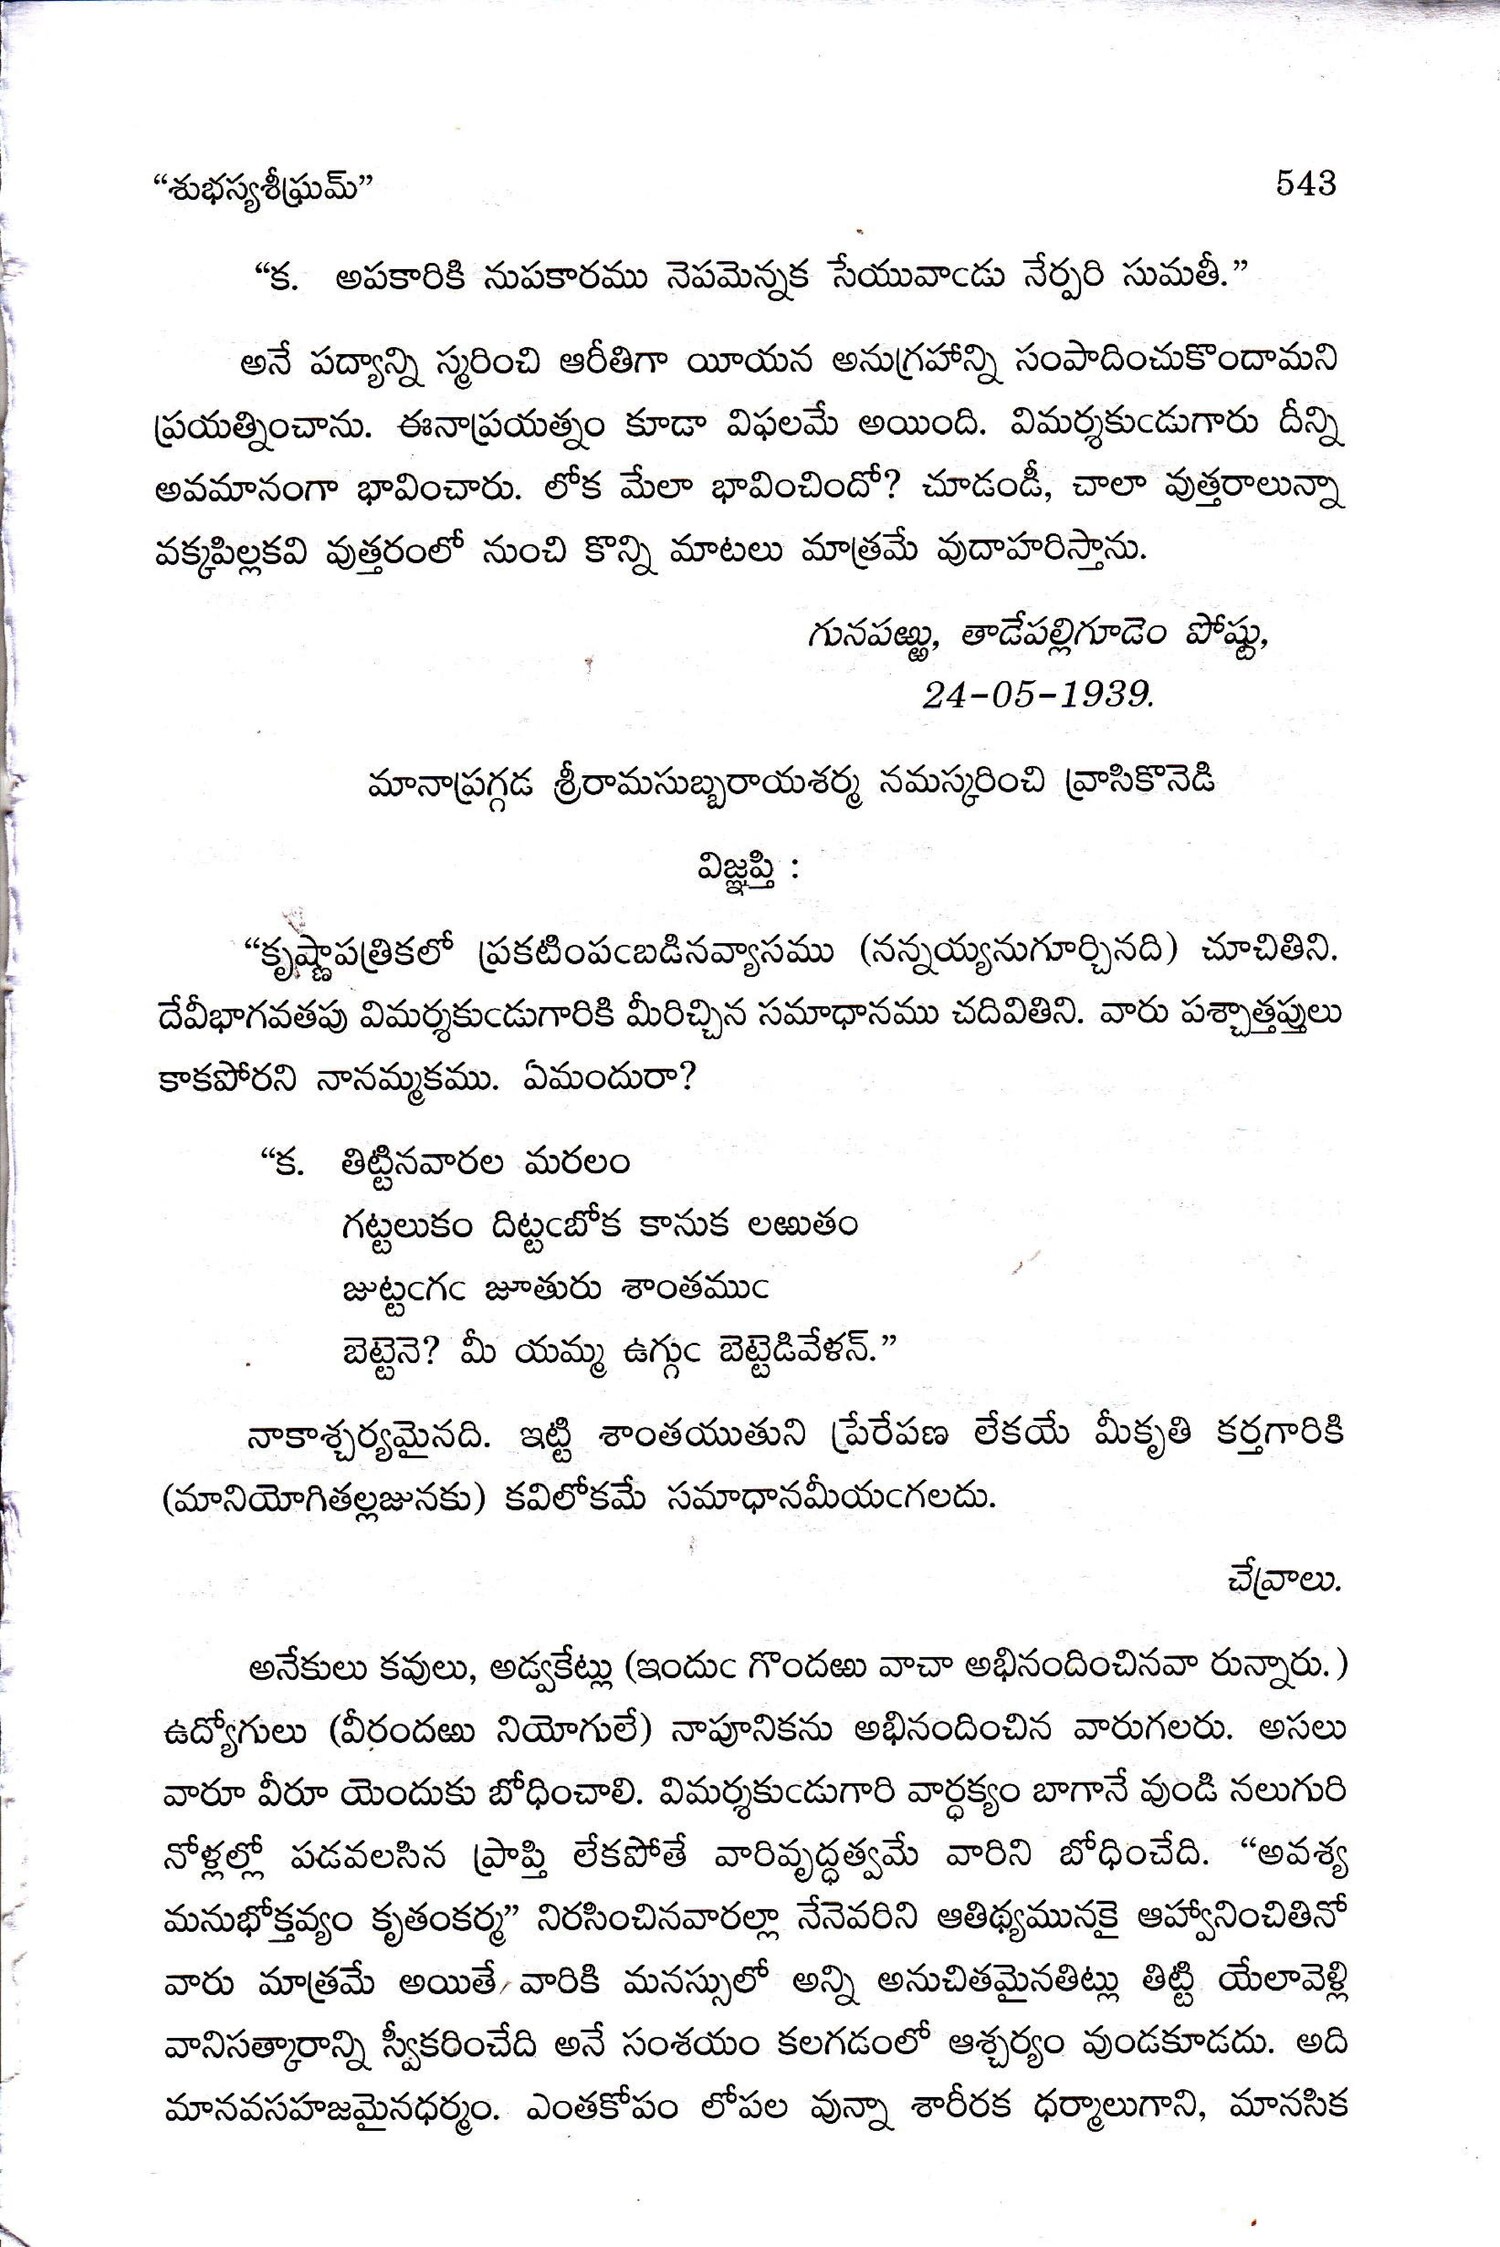“క. అపకారికి నుపకారము నెపమెన్నక సేయువాఁడు నేర్పరి సుమతీ.”
అనే పద్యాన్ని స్మరించి ఆరీతిగా యీయన అనుగ్రహాన్ని సంపాదించుకొందామని ప్రయత్నించాను. ఈనాప్రయత్నం కూడా విఫలమే అయింది. విమర్శకుఁడుగారు దీన్ని అవమానంగా భావించారు. లోక మేలా భావించిందో? చూడండీ, చాలా వుత్తరాలున్నా వక్కపిల్లకవి వత్తరంలో నుంచి కొన్ని మాటలు మాత్రమే వుదాహరిస్తాను.

మానాప్రగ్గడ శ్రీరామసుబ్బరాయశర్మ నమస్కరించి వ్రాసికొనెడి
 
"కృష్ణాపత్రికలో ప్రకటింపఁబడినవ్యాసము (నన్నయ్యనుగూర్చినది) చూచితిని. దేవీభాగవతపు విమర్శకుఁడుగారికి మీరిచ్చిన సమాధానము చదివితిని. వారు పశ్చాత్తప్తులు కాకపోరని నానమ్మకము. ఏమందురా?

“క. తిట్టినవారల మరలం
 గట్టలుకం దిట్టఁబోక కానుక లఱుతం 
 జట్టఁగఁ జూతురు శాంతముఁ 
 బెట్టెనె? మీ యమ్మ ఉగ్గుఁ బెట్టెడివేళన్."
నాకాశ్చర్యమైనది. ఇట్టి శాంతయుతుని ప్రేరేపణ లేకయే మీకృతి కర్తగారికి (మానియోగితల్లజునకు) కవిలోకమే సమాధానమీయఁగలదు.

అనేకులు కవులు, అడ్వకేట్లు (ఇందుఁ గొందఱు వాచా అభినందించినవా రున్నారు.) ఉద్యోగులు (వీరందఱు నియోగులే) నాపూనికను అభినందించిన వారుగలరు. అసలు . వారూ వీరూ యెందుకు బోధించాలి. విమర్శకుఁడుగారి వార్ధక్యం బాగానే వుండి నలుగురి నోళ్లల్లో పడవలసిన ప్రాప్తి లేకపోతే వారివృద్ధత్వమే వారిని బోధించేది. “అవశ్య మనుభోక్తవ్యం కృతంకర్మ" నిరసించినవారల్లా నేనెవరిని ఆతిథ్యమునకై ఆహ్వానించితినో వారు మాత్రమే అయితే, వారికి మనస్సులో అన్ని అనుచితమైనతిట్లు తిట్టి యేలావెళ్లి వానిసత్కారాన్ని స్వీకరించేది అనే సంశయం కలగడంలో ఆశ్చర్యం వుండకూడదు. అది మానవసహజమైనధర్మం. ఎంతకోపం లోపల వున్నా శారీరక ధర్మాలుగాని, మానసిక